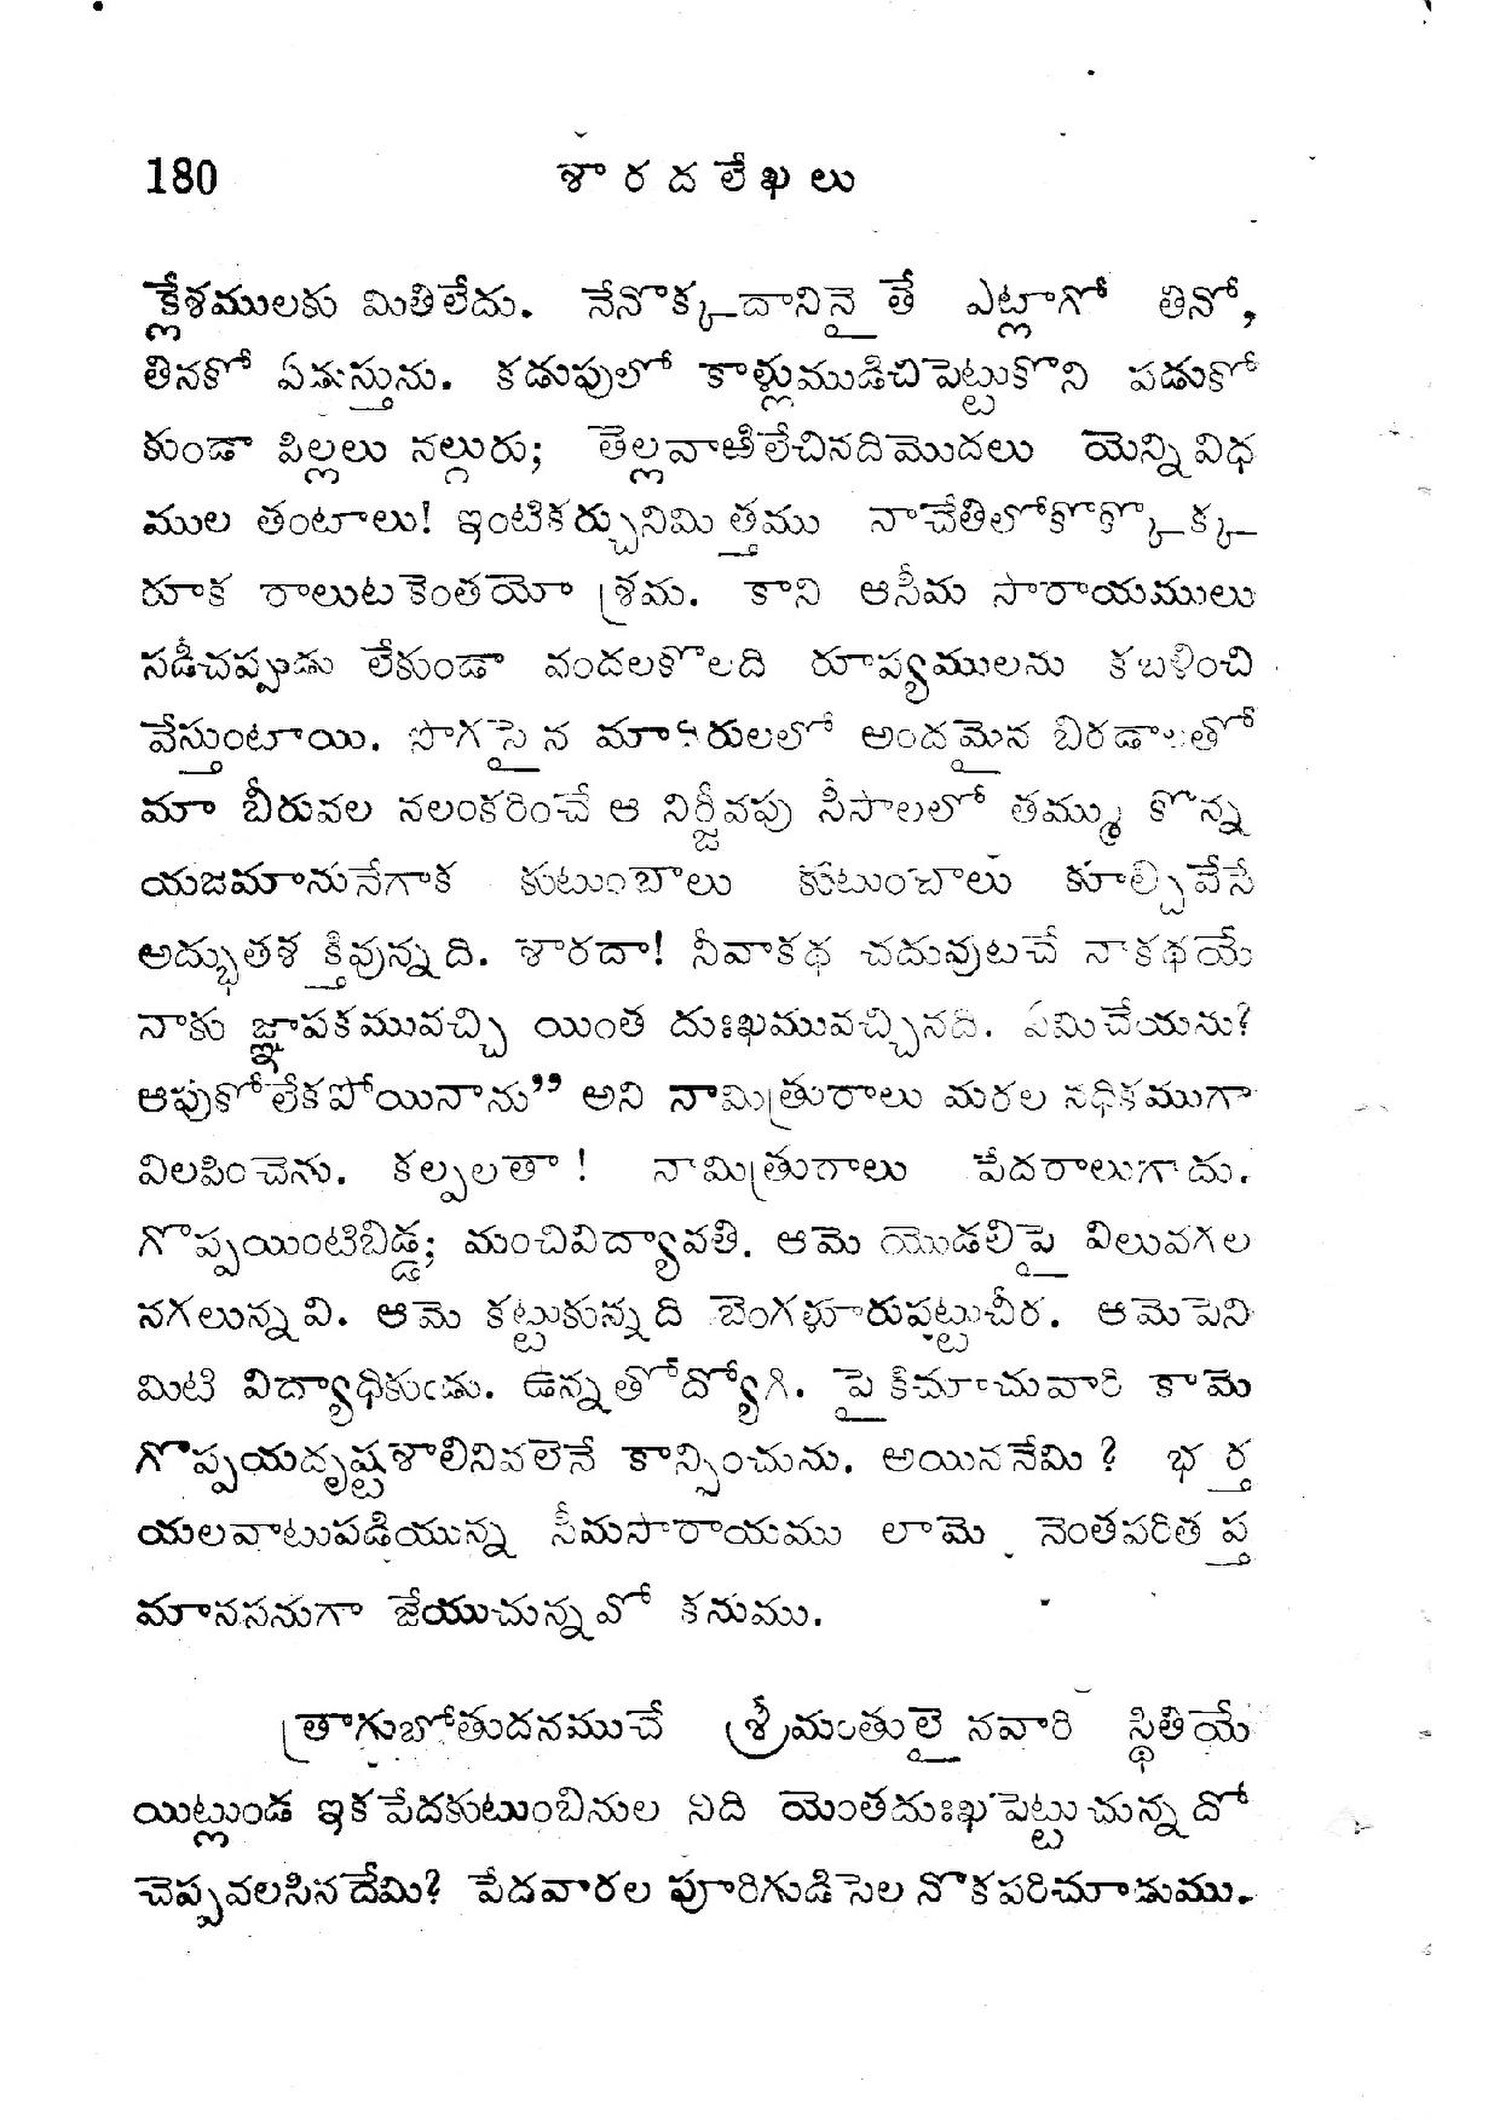క్లేశములకు మితిలేదు. నేనొక్కదానినైతే ఎట్లాగో తినో, తినకో ఏడుస్తును. కడుపులో కాళ్లుముడిచిపెట్టుకొని పడుకోకుండా పిల్లలు నల్గురు; తెల్లవాఱిలేచినదిమొదలు యెన్నివిధముల తంటాలు! ఇంటికర్చునిమిత్తము నాచేతిలోకొక్కొక్క రూక రాలుటకెంతయో శ్రమ. కాని ఆసీమ సారాయములు సడీచప్పుడు లేకుండా వందలకొలది రూప్యములను కబళించి వేస్తుంటాయి. సొగసైన మాదిరులలో అందమైన బిరడాలతో మా బీరువల నలంకరించే ఆ నిర్జీవపు సీసాలలో తమ్ము కొన్న యజమానునేగాక కుటుంబాలు కుటుంబాలు కూల్చివేసే అద్భుతశక్తివున్నది. శారదా! నీవాకథ చదువుటచే నాకథయే నాకు జ్ఞాపకమువచ్చి యింత దుఃఖమువచ్చినది. ఏమిచేయను? ఆపుకోలేకపోయినాను” అని నామిత్రురాలు మరల నధికముగా
విలపించెను. కల్పలతా ! నామిత్రురాలు పేదరాలుగాదు. గొప్పయింటిబిడ్డ; మంచివిద్యావతి. ఆమె యొడలిపై విలువగల నగలున్నవి. ఆమె కట్టుకున్నది బెంగళూరుపట్టుచీర. ఆమె పెనిమిటి విద్యాధికుఁడు. ఉన్నతోద్యోగి. పైకిచూచువారి కామె గొప్పయదృష్టశాలినివలెనే కాన్పించును. అయిననేమి ? భర్త
యలవాటుపడియున్న సీమసారాయము లామె నెంతపరితప్తమానసనుగా జేయుచున్నవో కనుము.

త్రాగుబోతుదనముచే శ్రీమంతులైనవారి స్థితియే యిట్లుండ ఇక పేదకుటుంబినుల నిది యెంతదుఃఖపెట్టు చున్నదో చెప్పవలసినదేమి? పేదవారల పూరిగుడిసెల నొకపరిచూడుము.